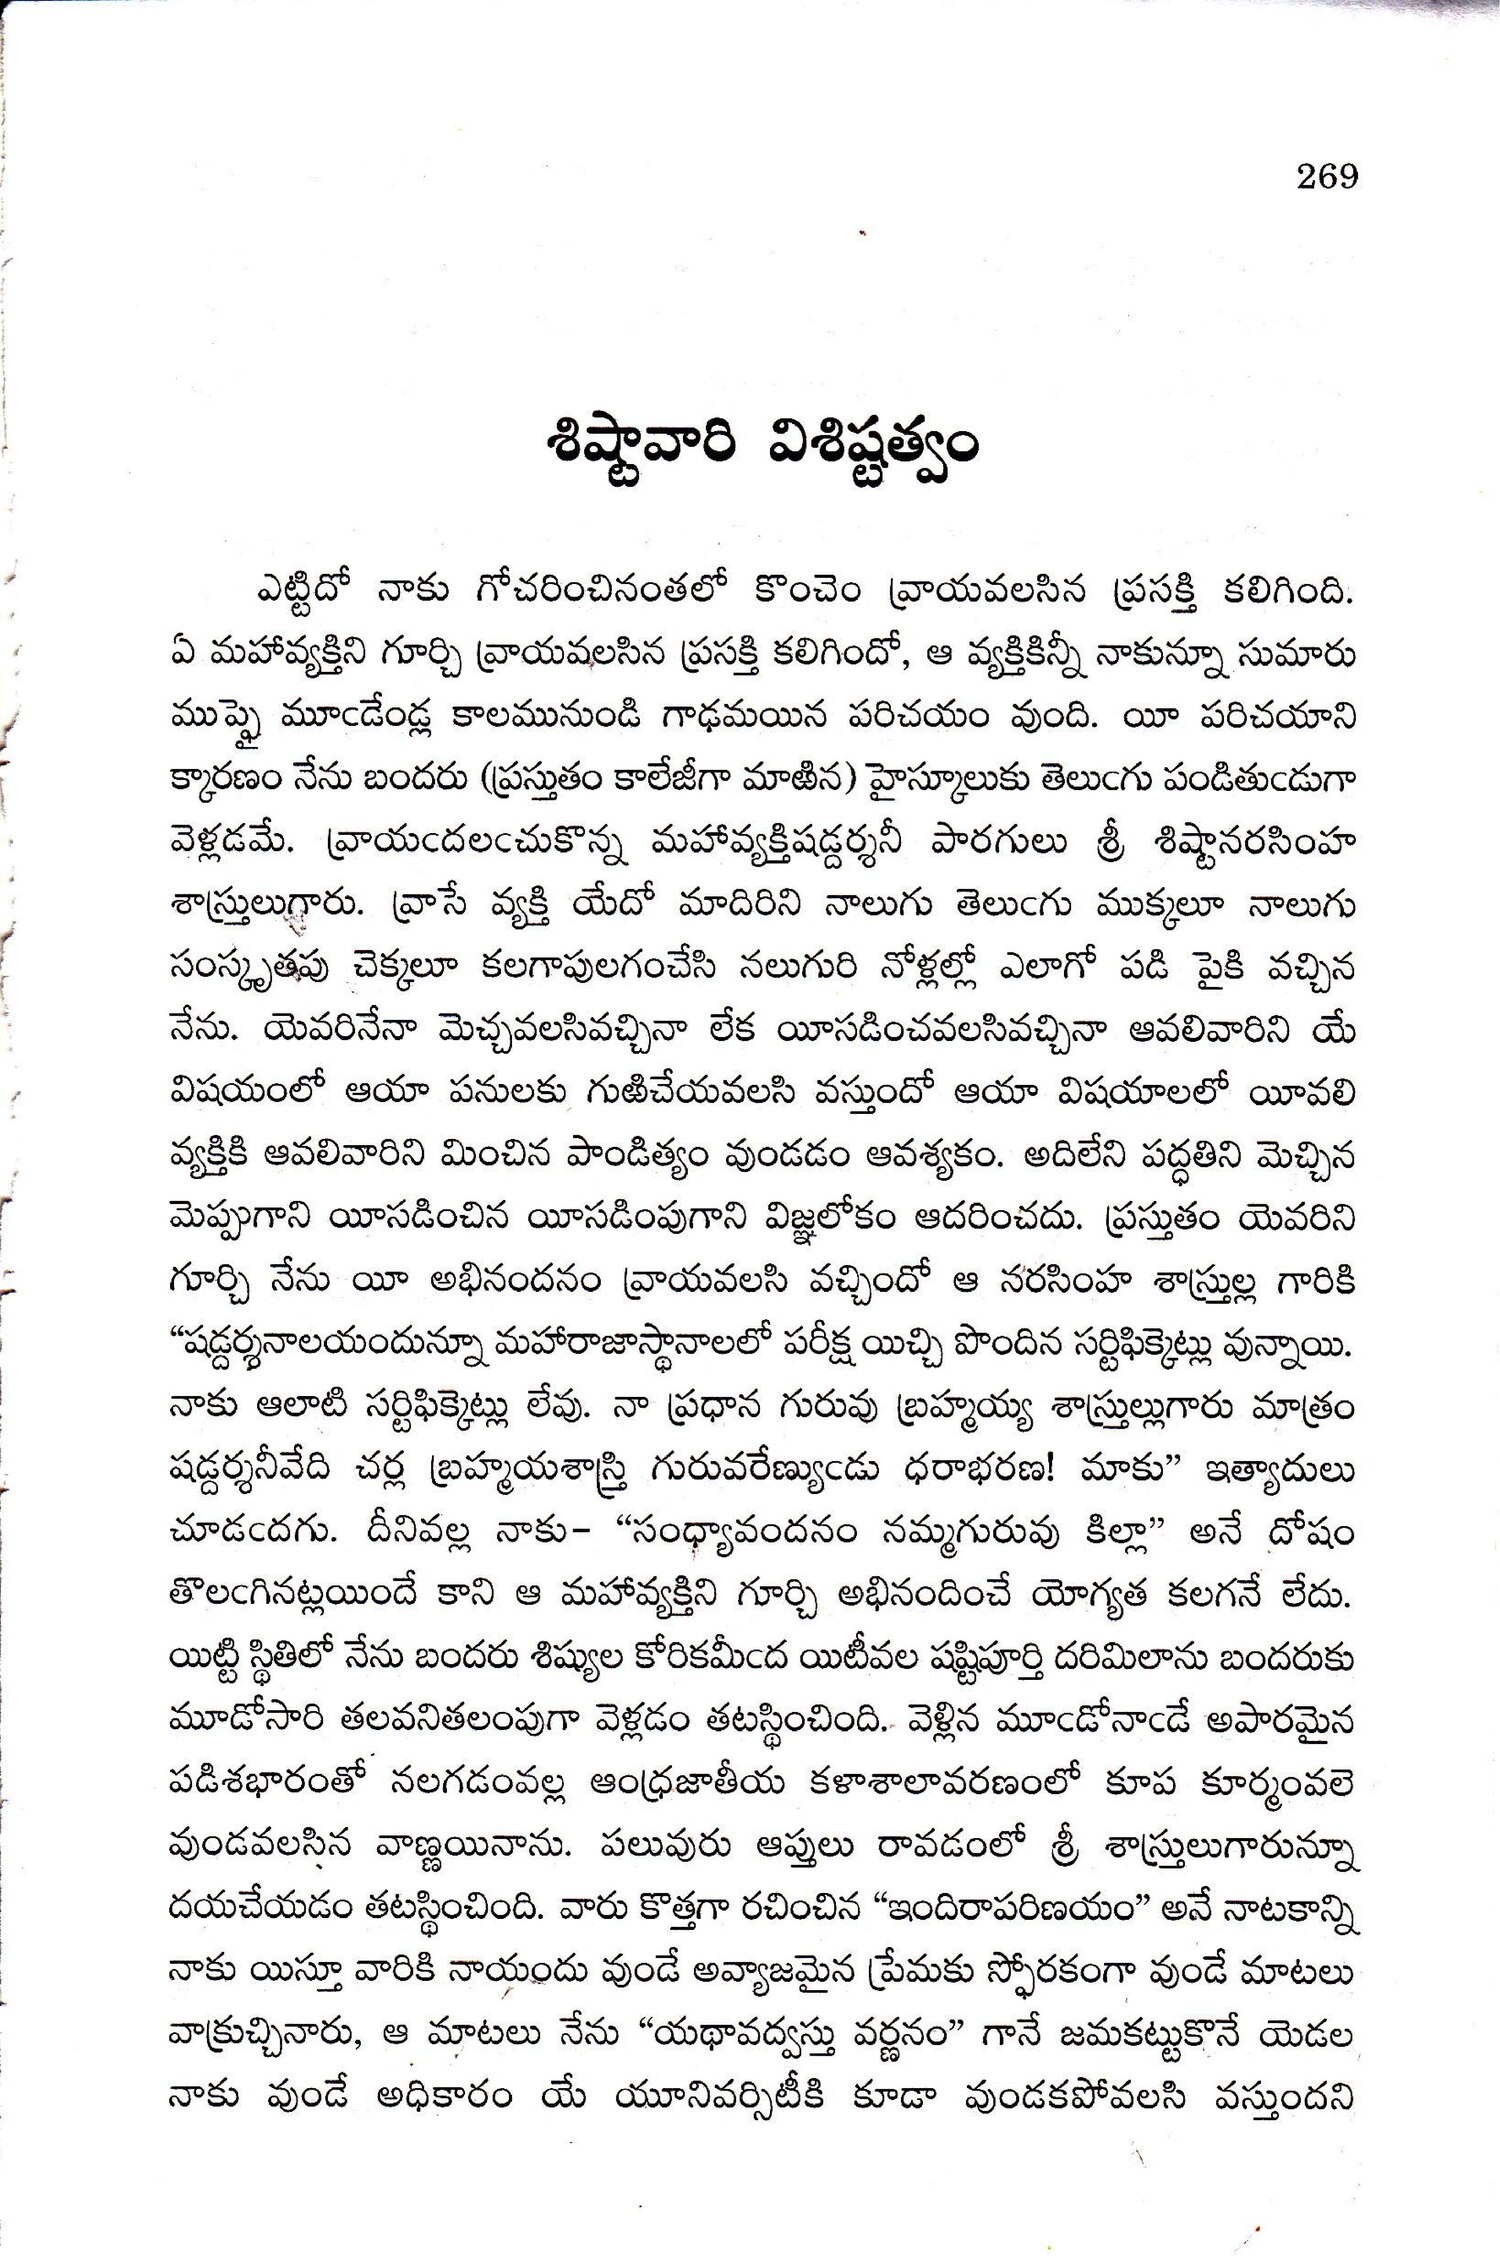శిష్టావారి విశిష్టత్వం

ఎట్టిదో నాకు గోచరించినంతలో కొంచెం వ్రాయవలసిన ప్రసక్తి కలిగింది. ఏ మహావ్యక్తిని గూర్చి వ్రాయవలసిన ప్రసక్తి కలిగిందో, ఆ వ్యక్తికిన్నీ నాకున్నూ సుమారు ముఫ్ఫై మూఁడేండ్ల కాలమునుండి గాఢమయిన పరిచయం వుంది. యీ పరిచయాని క్కారణం నేను బందరు (ప్రస్తుతం కాలేజీగా మాఱిన) హైస్కూలుకు తెలుఁగు పండితుఁడుగా వెళ్లడమే. వ్రాయఁదలఁచుకొన్న మహావ్యక్తిషడ్దర్శనీ పారగులు శ్రీ శిష్టానరసింహ శాస్త్రులుగారు. వ్రాసే వ్యక్తి యేదో మాదిరిని నాలుగు తెలుఁగు ముక్కలూ నాలుగు సంస్కృతపు చెక్కలూ కలగాపులగంచేసి నలుగురి నోళ్లల్లో ఎలాగో పడి పైకి వచ్చిన నేను. యెవరినేనా మెచ్చవలసివచ్చినా లేక యీసడించవలసివచ్చినా ఆవలివారిని యే విషయంలో ఆయా పనులకు గుఱిచేయవలసి వస్తుందో ఆయా విషయాలలో యీవలి వ్యక్తికి ఆవలివారిని మించిన పాండిత్యం వుండడం ఆవశ్యకం. అదిలేని పద్ధతిని మెచ్చిన మెప్పుగాని యీసడించిన యీసడింపుగాని విజ్ఞలోకం ఆదరించదు. ప్రస్తుతం యెవరిని గూర్చి నేను యీ అభినందనం వ్రాయవలసి వచ్చిందో ఆ నరసింహ శాస్రుల్ల గారికి ‘షడ్దర్శనాలయందున్నూ మహారాజాస్థానాలలో పరీక్ష యిచ్చి పొందిన సర్టిఫిక్కెట్లు వున్నాయి. నాకు ఆలాటి సర్టిఫిక్కెట్లు లేవు. నా ప్రధాన గురువు బ్రహ్మయ్య శాస్త్రుల్లుగారు మాత్రం షడ్దర్శనీవేది చర్ల బ్రహ్మయశాస్త్రి గురువరేణ్యుఁడు ధరాభరణ! మాకు" ఇత్యాదులు చూడఁదగు. దీనివల్ల నాకు- “సంధ్యావందనం నమ్మగురువు కిల్లా" అనే దోషం తొలఁగినట్లయిందే కాని ఆ మహావ్యక్తిని గూర్చి అభినందించే యోగ్యత కలగనే లేదు. యిట్టి స్థితిలో నేను బందరు శిష్యుల కోరికమీఁద యిటీవల షష్టిపూర్తి దరిమిలాను బందరుకు మూడోసారి తలవనితలంపుగా వెళ్లడం తటస్థించింది. వెళ్లిన మూఁడోనాఁడే అపారమైన పడిశభారంతో నలగడంవల్ల ఆంధ్రజాతీయ కళాశాలావరణంలో కూప కూర్మంవలె వుండవలసిన వాణ్ణయినాను. పలువురు ఆప్తులు రావడంలో శ్రీ శాస్త్రులుగారున్నూ దయచేయడం తటస్థించింది. వారు కొత్తగా రచించిన "ఇందిరాపరిణయం” అనే నాటకాన్ని నాకు యిస్తూ వారికి నాయందు వుండే అవ్యాజమైన ప్రేమకు స్ఫోరకంగా వుండే మాటలు వాక్రుచ్చినారు, ఆ మాటలు నేను “యథావద్వస్తు వర్ణనం” గానే జమకట్టుకొనే యెడల నాకు వుండే అధికారం యే యూనివర్సిటీకి కూడా వుండకపోవలసి వస్తుందని